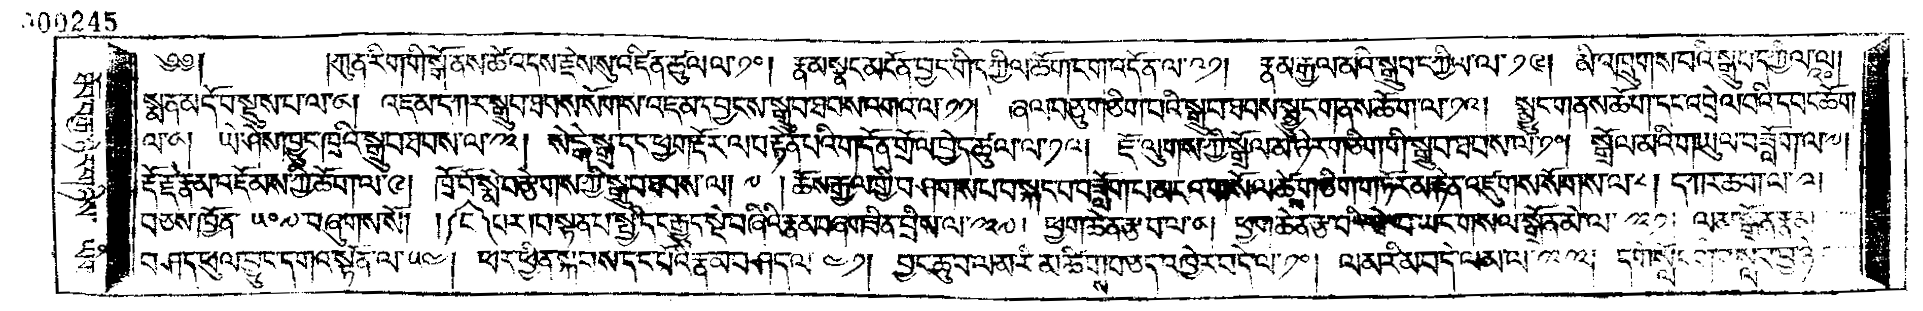༄༅། །ཀུན་རིག་གི་སྒོ་ནས་ཚེ་འདས་རྗེས་སུ་འཛིན་ཚུལ་ལ ༡༠། རྣམ་སྣང་མངོན་བྱང་གི་དཀྱིལ་ཆོག་ངག་འདོན་ལ ༢༡། རྣམ་རྒྱལ་མའི་སྒྲུབ་དཀྱིལ་ལ ༡༩། མི་འཁྲུགས་པའི་སྒྲུབ་དཀྱིལ་ལ། ༢༠།
སྨན་མདོ་བསྡུས་པ་ལ ༦། འཇམ་དཀར་སྒྲུབ་ཐབས་སོགས་འཇམ་དབྱངས་སྒྲུབ་ཐབས་འགའ་ལ ༡༡། ཞལ་བཅུ་གཅིག་པའི་སྒྲུབ་ཐབས་སྨྱུང་གནས་ཆོ་ག་ལ ༡༢། སྨྱུང་གནས་ཆོ་ག་དང་འབྲེལ་བའི་དབང་ཆོག་
ལ ༦། ཡེ་ཤེས་ཁྱུང་ཁྲའི་སྒྲུབ་ཐབས་ལ ༣། སེངྒེ་སྒྲ་དང་ཕྱག་རྡོར་ལ་བརྟེན་པའི་གདོན་གྲོལ་བྱེད་ཚུལ་ལ ༡༢། ཇོ་ལུགས་ཀྱི་སྒྲོལ་མ་ཉེར་གཅིག་གི་སྒྲུབ་ཐབས་ལ ༡༠། སྒྲོལ་མའི་གཡུལ་བཟློག་ལ ༦།
རྡོ་རྗེ་རྣམ་འཇོམས་ཀྱི་ཆོ་ག་ལ ༩། ཁྲོ་བོ་སྨེ་བརྩེགས་ཀྱི་སྒྲུབ་ཐབས་ལ། ༦་།ཆོས་རྒྱལ་གྱི་བཤགས་པ་བསྐང་བ་བཟློག་པ་མངའ་གསོལ་ཚེས་གཅིག་གཏོར་མ་རྟེན་འཛུགས་སོགས་ལ ༨། དཀར་ཆག་ལ ༢།
བཅས་ཁྱོན ༥༠༦་བཞུགས་སོ། །༼ང༽ པར་།བསྟན་པ་སྤྱི་དང་རྒྱུད་སྡེ་བཞིའི་རྣམ་བཞག་ཟིན་བྲིས་ལ ༣༦། ཕྱག་ཆེན་རྩ་བ་ལ ༦། ཕྱག་ཆེན་རྩ་བའི་འགྲེལ་བ་ཡང་གསལ་སྒྲོན་མེ་ལ ༣༡། ལམ་སྒྲོན་རྣམ་
བཤད་ཕུལ་བྱུང་དགའ་སྟོན་ལ ༥༤། ཕར་ཕྱིན་སྐབས་དང་པོའི་རྣམ་བཤད་ལ ༤༡། བྱང་ཆུབ་ལམ་རིམ་ཚིགས་བཅད་འཁྱེར་བདེ་ལ ༡༠། ལམ་རིམ་བདེ་ལམ་ལ ༣༣། དགེ་སློང་གི་བསླབ་བྱ་ཉེར་